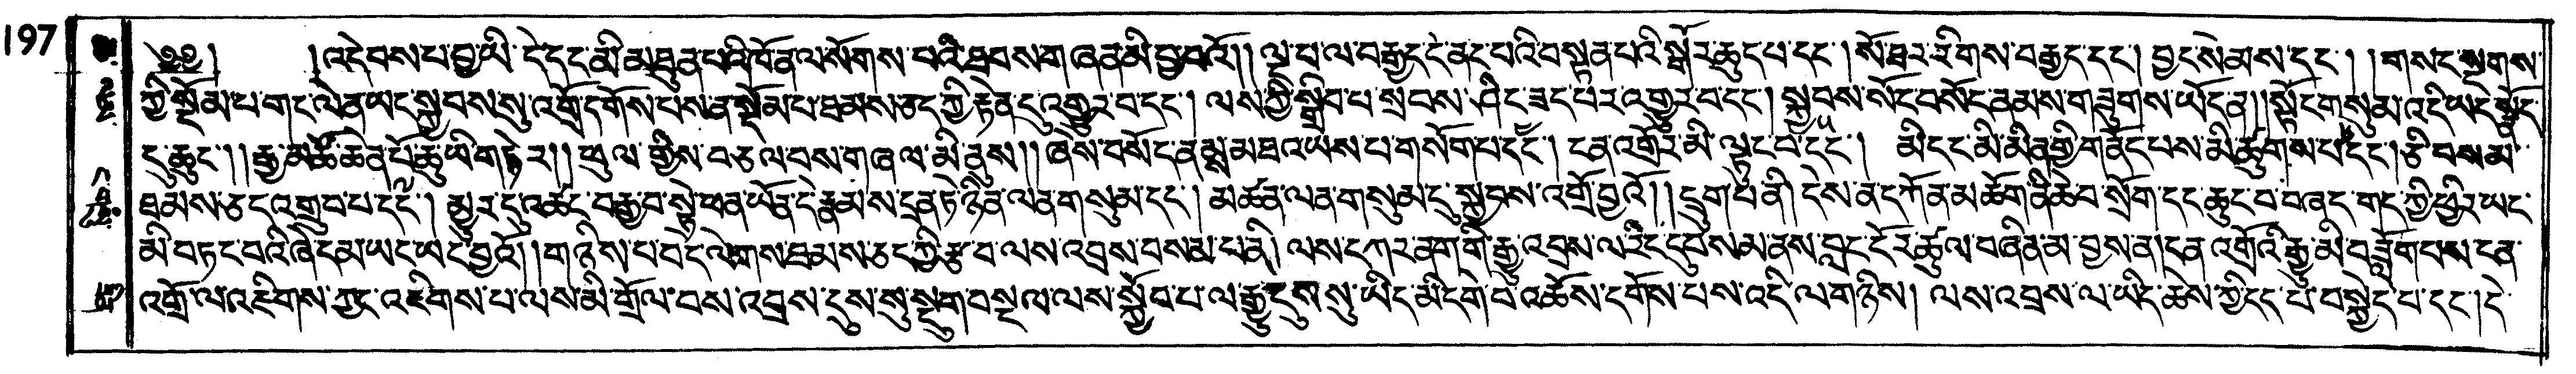༄༅། །འདེབས་པ་བྱ་ཡི་དེ་དང་མི་མཐུན་པའི་ཁོ་ན་ལ་སོགས་པའི་ཐབས་གཞན་མི་བྱ་བའོ། །ལྔ་པ་ལ་བརྒྱད་དེ་ནང་པའི་བསྟན་པའི་སྒོར་ཆུད་པ་དང་། སོ་ཐར་རིགས་བརྒྱད་དང་། བྱང་སེམས་དང་། །གསང་སྔགས་
ཀྱི་སྡོམ་པ་གང་ལེན་ཡང་སྐྱབས་སུ་འགྲོ་དགོས་པས་ན་སྡོམ་པ་ཐམས་ཅད་ཀྱི་རྟེན་དུ་འགྱུར་བ་དང་། ལས་ཀྱི་སྒྲིབ་པ་སྲབས་ཤིང་ཟད་པར་འགྱུར་བ་དང་། སྐྱབས་སོང་བསོད་ནམས་གཟུགས་ཡོད་ན། །སྟོང་གསུམ་འདི་ཡང་སྣོད་
དུ་ཆུང་། །རྒྱ་མཚོ་ཆེན་པོ་ཆུ་ཡི་གཏེར། །ཕུལ་གྱིས་བཅལ་བས་གཞལ་མི་ནུས། །ཞེས་བསོད་ནམས་མཐའ་ཡས་པ་གསོག་པ་དང་། ངན་འགྲོར་མི་ལྟུང་བ་དང་། མི་དང་མི་མིན་གྱི་གནོད་པས་མི་ཚུགས་པ་དང་། ཅི་བསམ་
ཐམས་ཅད་འགྲུབ་པ་དང་། མྱུར་དུ་འཚང་བརྒྱ་བ་སྟེ་ཕན་ཡོན་དེ་རྣམས་དྲན་ཏེ་ཉིན་ལན་གསུམ་དང་། མཚན་ལན་གསུམ་དུ་སྐྱབས་འགྲོ་བྱའོ། །དྲུག་པ་ནི། དེས་ན་དཀོན་མཆོག་ནི་ཆེ་བ་སྲོག་དང་ཆུང་བ་བཞད་གད་ཀྱི་ཕྱིར་ཡང་
མི་བཏང་བའི་ཞེ་དམ་ཡང་ཡང་བྱའོ། །གཉིས་པ་བདེ་ལེགས་ཐམས་ཅད་ཀྱི་རྩ་བ་ལས་འབྲས་བསམ་པ་ནི། ལས་དཀར་ནག་གི་རྒྱུ་འབྲས་ལ་རིང་དུ་བསམ་ནས་བླང་དོར་ཚུལ་བཞིན་མ་བྱས་ན། ངན་འགྲོའི་རྒྱུ་མི་བཟློག་པས་ངན་
འགྲོ་ལ་འཇིགས་ཀྱང་འཇིགས་པ་ལས་མི་གྲོལ་བས་འབྲས་དུས་སུ་སྡུག་བསྔལ་ལས་སྐྱོབ་པ་ལ་རྒྱུ་དུས་སུ་ཡིད་མི་དགེ་བ་འཆོས་དགོས་པས་འདི་ལ་གཉིས། ལས་འབྲས་ལ་ཡིད་ཆེས་ཀྱི་དད་པ་བསྐྱེད་པ་དང་། དེ་